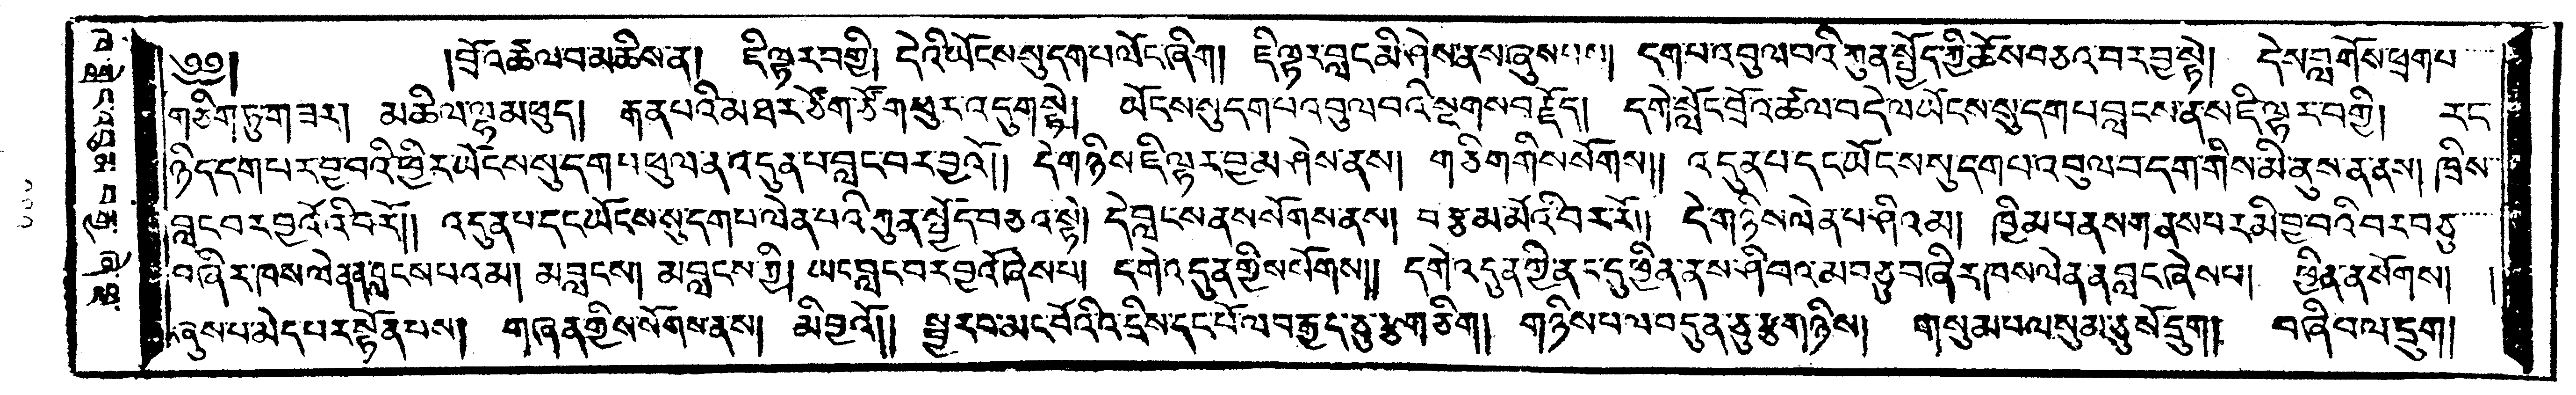༄༅། །བྲོ་འཚལ་བ་མཆིས་ན། ཇི་ལྟར་བགྱི། དེའི་ཡོངས་སུ་དག་པ་ལོང་ཞིག། ཇི་ལྟར་བླང་མི་ཤེས་ནས་ཞུས་པས། དག་པ་འབུལ་བའི་ཀུན་སྤྱོད་ཀྱི་ཆོས་བཅའ་བར་བྱ་སྟེ། དེས་བླ་གོས་ཕྲག་པ་
གཅིག་ཏུ་གཟར། མཆིལ་ལྷམ་ཕུད། རྒན་པའི་མཐར་ཙོག་ཙོག་ཕུར་འདུག་སྟེ། ཡོངས་སུ་དག་པ་འབུལ་བའི་སྔགས་བརྗོད། དགེ་སློང་བྲོ་འཚལ་བ་དེ་ལ་ཡོངས་སུ་དག་པ་བླངས་ནས་ཇི་ལྟར་བགྱི། རང་
ཉིད་དག་པར་བྱ་བའི་ཕྱིར་ཡོངས་སུ་དག་པ་ཕུལ་ན་འདུན་པ་བླང་བར་བྱའོ།། དེ་གཉིས་ཇི་ལྟར་བྱ་མ་ཤེས་ནས། གཅིག་གིས་སོགས།། འདུན་པ་དང་ཡོངས་སུ་དག་པ་འབུལ་བ་དག་གིས་མི་ནུས་ན་ནས། ཁྲིས་
བླང་བར་བྱའོའི་བར་རོ།། འདུན་པ་དང་ཡོངས་སུ་དག་པ་ལེན་པའི་ཀུན་སྤྱོད་བཅའ་སྟེ། དེ་བླངས་ནས་སོགས་ནས། བརྩམ་མོའི་བར་རོ།། དེ་གཉིས་ལེན་པ་ཤིའམ། ཁྱིམ་པ་ནས་གནས་པར་མི་བྱ་བའི་བར་བཅུ་
བཞིར་ཁས་ལེན་ན་བླངས་པའམ། མ་བླངས་ཀྱི། ཡང་བླང་བར་བྱའོ་ཞེས་པ། དགེ་འདུན་གྱིས་སོགས།། དགེ་འདུན་གྱི་ནང་དུ་ཕྱིན་ནས་ཤི་བའ་མ་བཅུ་བཞིར་ཁས་ལེན་ན་བླང་ཞེས་པ། ཕྱིན་ན་སོགས། །
ཞུས་པ་མེད་པར་སྟོན་པས། གཞན་གྱིས་སོགས་ནས། མི་བྱའོ།། སྦྱར་བ་མང་བོའི་འ?་དྲིས་དང་པོ་ལ་བརྒྱད་ཅུ་རྩ་གཅིག། གཉིས་པ་ལ་བདུན་ཅུ་རྩ་གཉིས། གསུམ་པ་ལ་སུམ་ཅུ་སོ་དྲུག། བཞི་པ་ལ་དྲུག།